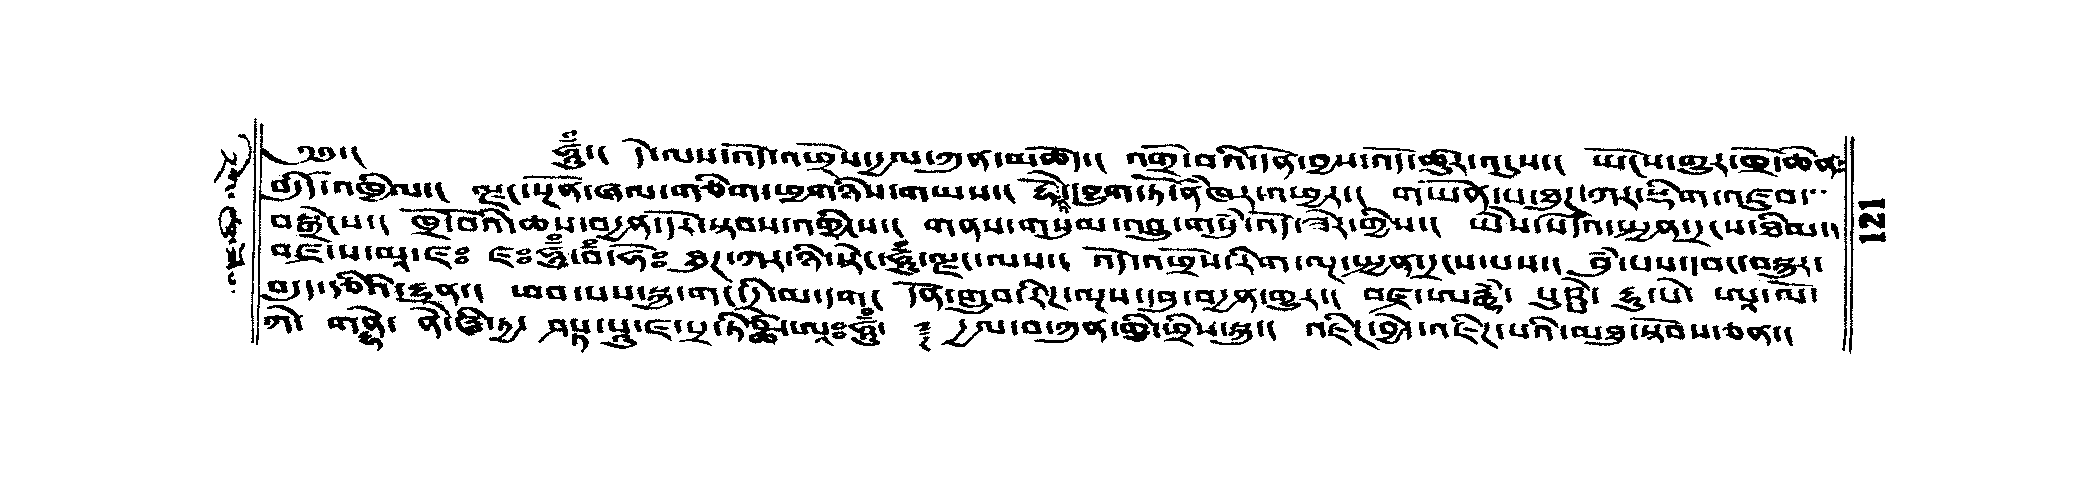ཧཱུྃ་ལས་འོད་འཕྲོས་རྒྱལ་ཀུན་མཆོད། །འགྲོ་བའི་དོན་བྱས་འོད་ཚུར་བསྡུས། །ཡོངས་གྱུར་ཁྲོ་ཆེན་
བདུད་རྩི་འཁྱིལ། །ལྗང་སྔོན་ཞལ་གཅིག་ཕྱག་གཉིས་གཡས། །རྡོ་རྗེའི་དབྱུག་ཏོ་ནམ་མཁར་འཕྱར། །གཡོན་པ་ཐུགས་ཀར་སྡིག་མཛུབ་
བསྒྲེངས། །ཁྲོ་བོའི་ཆས་བརྒྱན་དོར་སྟབས་འགྱིངས། །གནས་གསུམ་འབྲུ་གསུམ་འོད་ཟེར་གྱིས། །ཡེ་ཤེས་སེམས་དཔའ་སྤྱན་དྲངས་ཐིམ། །
བཛྲ་ས་མཱ་ཛཿཛཿཧཱུྃ་བྂ་ཧོཿ ཐུགས་ཀར་ཉི་སྟེང་ཧཱུྃ་ལྗང་ལས། །འོད་འཕྲོས་རིག་ལྔ་སྤྱན་དྲངས་པས། །བུམ་པས་དབང་བསྐུར་
བདུད་རྩིའི་རྒྱུན། །ཕབ་པས་སྐུ་གང་དྲི་མ་དག་དོན་གྲུབ་རིགས་ལྔས་དབུ་བརྒྱན་གྱུར། །བཛྲ་ཨརྒྷཾ། པུཥྤེ། དྷུ་པེ། ཨཱ་ལོ་
ཀེ། གནྡྷེ། ནཻ་ཝི་དྱ། ཤཔྟ་པཱུ་ཛ་པྲ་ཏིཙྪ་ཨཱཿཧཱུྃ། ༈ འཇིགས་བྱེད་འཇིགས་པའི་མཐུ་སྟོབས་ཅན། །